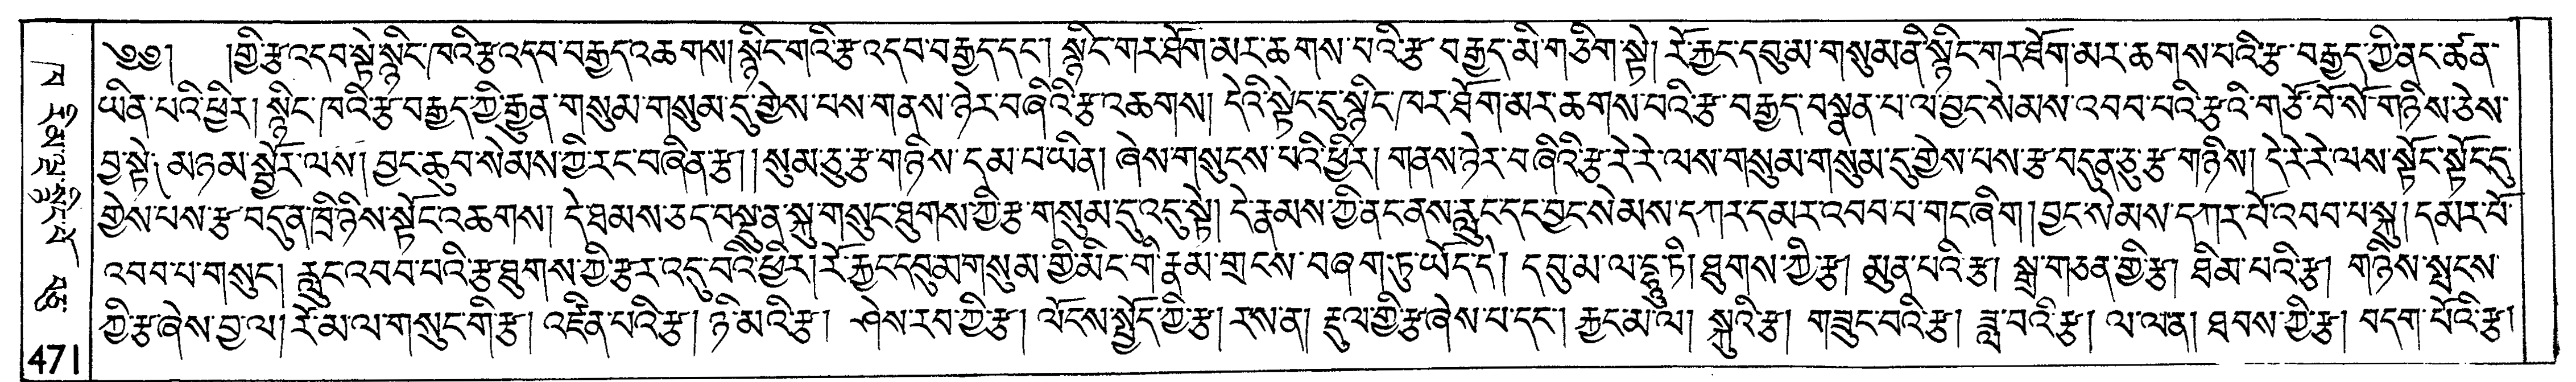༄༅། །གྱི་རྩ་འདབ་སྟེ་སྙིང་ཁའི་རྩ་འདབ་བརྒྱད་འཆགས། སྙིང་གའི་རྩ་འདབ་བརྒྱད་དང་། སྙིང་གར་ཐོག་མར་ཆགས་པའི་རྩ་བརྒྱད་མི་གཅིག་སྟེ། རོ་རྐྱང་དབུ་མ་གསུམ་ནི་སྙིང་གར་ཐོག་མར་ཆགས་པའི་རྩ་བརྒྱད་ཀྱི་ནང་ཚན་
ཡིན་པའི་ཕྱིར། སྙིང་ཁའི་རྩ་བརྒྱད་ཀྱི་རྒྱུན་གསུམ་གསུམ་དུ་གྱེས་པས་གནས་ཉེར་བཞིའི་རྩ་འཆགས། དེའི་སྟེང་དུ་སྙིང་ཁར་ཐོག་མར་ཆགས་པའི་རྩ་བརྒྱད་བསྣན་པ་ལ་བྱང་སེམས་འབབ་པའི་རྩའི་གཙོ་བོ་སོ་གཉིས་ཅེས་
བྱ་སྟེ། མཉམ་སྦྱོར་ལས། བྱང་ཆུབ་སེམས་ཀྱི་རང་བཞིན་རྩ། །སུམ་ཅུ་རྩ་གཉིས་དམ་པ་ཡིན། ཞེས་གསུངས་པའི་ཕྱིར། གནས་ཉེར་བཞིའི་རྩ་རེ་རེ་ལས་གསུམ་གསུམ་དུ་གྱེས་པས་རྩ་བདུན་ཅུ་རྩ་གཉིས། དེ་རེ་རེ་ལས་སྟོང་སྟོང་དུ་
གྱེས་པས་རྩ་བདུན་ཁྲི་ཉིས་སྟོང་འཆགས། དེ་ཐམས་ཅད་བསྡུ་ན་སྐུ་གསུང་ཐུགས་ཀྱི་རྩ་གསུམ་དུ་འདུ་སྟེ། དེ་རྣམས་ཀྱི་ནང་ནས་རླུང་དང་བྱང་སེམས་དཀར་དམར་འབབ་པ་གང་ཞིག །བྱང་སེམས་དཀར་པོ་འབབ་པ་སྐུ། དམར་པོ་
འབབ་པ་གསུང་། རླུང་འབབ་པའི་རྩ་ཐུགས་ཀྱི་རྩར་འདུ་བའི་ཕྱིར། རོ་རྐྱང་དབུ་མ་གསུམ་གྱི་མིང་གི་རྣམ་གྲངས་བཞག་ཏུ་ཡོད་དེ། དབུ་མ་ལ་དྷཱུ་ཏི། ཐུགས་ཀྱི་རྩ། མུན་པའི་རྩ། སྒྲ་གཅན་གྱི་རྩ། ཐིམ་པའི་རྩ། གཉིས་སྤངས་
ཀྱི་རྩ་ཞེས་བྱ་ལ། རོ་མ་ལ་གསུང་གི་རྩ། འཛིན་པའི་རྩ། ཉི་མའི་རྩ། ཤེས་རབ་ཀྱི་རྩ། ལོངས་སྤྱོད་ཀྱི་རྩ། རས་ན། རྡུལ་གྱི་རྩ་ཞེས་པ་དང་། རྐྱང་མ་ལ། སྐུའི་རྩ། གཟུང་བའི་རྩ། ཟླ་བའི་རྩ། ལ་ལ་ན། ཐབས་ཀྱི་རྩ། བདག་པོའི་རྩ།